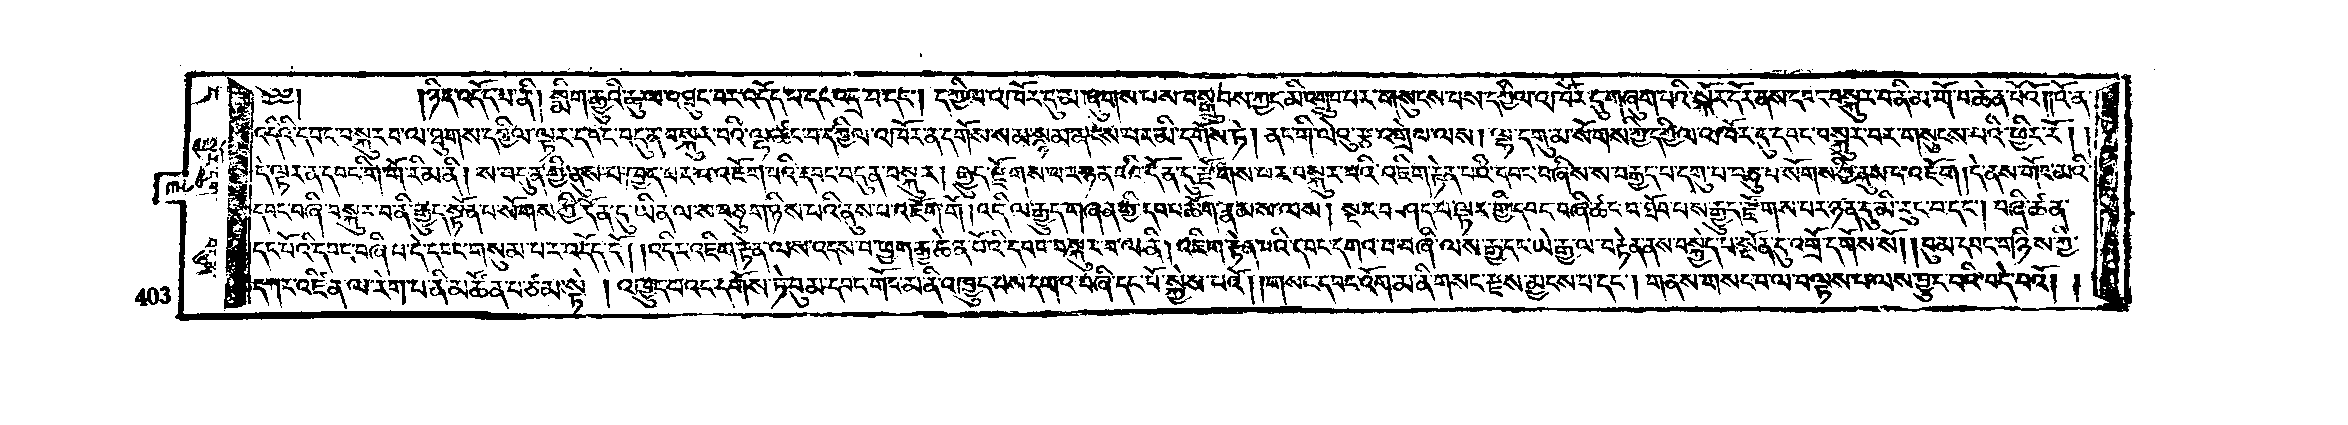༄༅། །ཉིད་འདོད་པ་ནི། སྨིག་རྒྱུའི་ཆུ་ལ་འཐུང་བར་འདོད་པ་དང་འདྲ་བ་དང་། དཀྱིལ་འཁོར་དུ་མ་ཞུགས་པས་བསྒྲུབས་ཀྱང་མི་འགྲུབ་པར་གསུངས་པས་དཀྱིལ་འཁོར་དུ་གཞུག་པའི་སྐོར་དོར་ནས་དབང་བསྐུར་བ་ནི་མ་གོ་བ་ཆེན་པོའོ། །འོ་ན་
འདིའི་དབང་བསྐུར་བ་ལ་ཐུགས་དཀྱིལ་ལྟར་དབང་བདུན་བསྐུར་བའི་ལྷ་ཚང་བ་དཀྱིལ་འཁོར་ན་དགོས་སམ་སྙམ་ན་ངེས་པར་མི་དགོས་ཏེ། ནང་གི་ལེའུ་རྩ་འགྲེལ་ལས། ལྷ་དགུ་མ་སོགས་ཀྱི་དཀྱིལ་འཁོར་དུ་དབང་བསྐུར་བར་གསུངས་པའི་ཕྱིར་རོ། །
དེ་ལྟར་ན་དབང་གི་གོ་རིམ་ནི། ས་བདུན་གྱི་ནུས་པ་ཁྱད་པར་བ་འཇོག་པའི་དབང་བདུན་བསྐུར། རྒྱུད་རྫོགས་པར་ཉན་པའི་དོན་དུ་རྫོགས་པར་བསྐུར་པའི་འཇིག་རྟེན་པའི་དབང་བཞིས་ས་བརྒྱད་པ་དགུ་པ་བཅུ་པ་སོགས་ཀྱི་ནུས་པ་འཇོག །དེ་ནས་གོང་མའི་
དབང་བཞི་བསྐུར་བ་ནི་རྒྱུད་སྟོན་པ་སོགས་ཀྱི་དོན་དུ་ཡིན་ལ་ས་བཅུ་གཉིས་པའི་ནུས་པ་འཇོག་གོ །འདི་ལ་རྒྱུད་གཞན་གྱི་དབང་ཆོག་རྣམས་ལས། སྔར་བཤད་པ་ལྟར་གྱི་དབང་བཞི་ཚང་བ་ཐོབ་པས་རྒྱུད་རྫོགས་པར་ཉན་དུ་མི་རུང་བ་དང་། བཞི་ཚན་
དང་པོའི་དབང་བཞི་པ་དེ་དབང་གསུམ་པར་འདོད་དོ། །འདིར་འཇིག་རྟེན་ལས་འདས་པ་ཕྱག་རྒྱ་ཆེན་པོའི་དབང་བསྐུར་བ་ལ་ནི། འཇིག་རྟེན་པའི་དབང་དགའ་བ་བཞི་ལས་རྒྱ་དང་ཡེ་རྒྱ་ལ་བརྟེན་ནས་བསྐྱེད་པ་སྔོན་དུ་འགྲོ་དགོས་སོ། །བུམ་དབང་གཉིས་ཀྱི་
དཀར་འཛིན་ལ་རེག་པ་ནི་མཚོན་པ་ཙམ་སྟེ། འཁྱུད་པའང་དགོས་ཏེ་བུམ་དབང་གོང་མ་ནི་འཁྱུད་པས་དགའ་བཞི་དང་པོ་སྐྱེས་པའོ། །གསང་དབང་འོག་མ་ནི་གསང་རྫས་མྱངས་པ་དང་། གནས་གསང་བ་ལ་བལྟས་པ་ལས་བྱུང་བའི་བདེ་བའོ། །